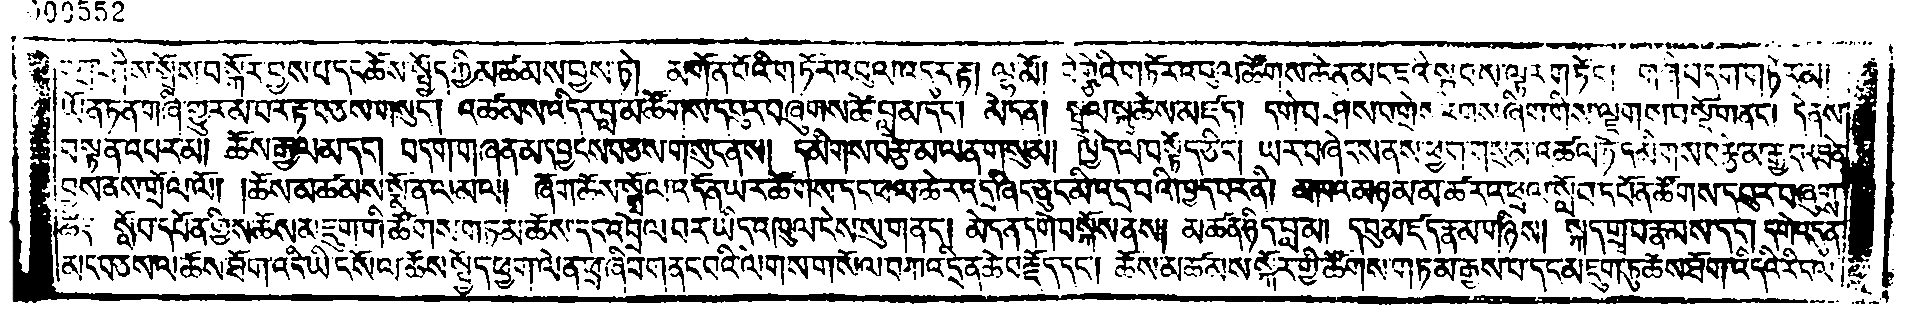བཀྲ་ཤིས་སྤོས་བསྐོར་བྱས་པ་དང་ཆོས་སྤྱོད་ཀྱི་མཚམས་བྱས་ཏེ། མགོན་པོའི་གཏོར་འབུལ་འདུར་རྟ། ལྷ་མོ། བེགཙེའི་གཏོར་འབུལ་ཚོགས་ཆེན་མང་ཇའི་སྐབས་ལྟར་གཏོང་། གཞི་བདག་གཏོར་མ།
ཡོན་ཏན་གཞི་གྱུར་མ་བར་རྟ་བཅས་གསུང་། འཚམས་འདིར་བླ་མ་ཚོགས་དབུར་བཞུགས་ཚེ་བླ་མ་དང་། མེད་ན། སྤྲུལ་སྐུ་ཆོས་མཛད། དགེ་བཤེས་བགྲེས་རིགས་ཞིག་གིས་ལྗགས་བསྔོ་གནང་། དེ་ནས་
བསྟན་འབར་མ། ཆོས་རྒྱལ་མ་དང་། བདག་གཞན་མ་དབྱངས་བཅས་གསུང་ནས། དམིགས་བརྩེ་མ་ལན་གསུམ། ཁྱེད་ལ་བསྟོད་ཅིང་། ཡར་བཞེངས་ནས་ཕྱག་གསུམ་འཚལ་ཏེ་དམིགས་བརྩེ་མ་རྒྱང་འཐེན་
བྱས་ནས་གྲོལ་ལོ། །ཆོས་མཚམས་སྨོན་ལམ་ལ། ཞོག་ཆོས་སྒྲོལ་འདོན་ཡར་ཚོགས་དང་ཕལ་ཆེར་འདྲ་ཞིང་ཅུང་མི་འདྲ་བའི་ཁྱད་པར་ནི། མཁའ་མཉམ་མ་ཚར་འཕྲལ་སློབ་དཔོན་ཚོགས་དབུར་བཞུགས་
ཚེ༑ སློབ་དཔོན་གྱིས་ཆོས་མཇུག་གི་ཚོགས་གཏམ་ཆོས་དང་འབྲེལ་བར་ཡིད་འཁུལ་ངེས་སུ་གནང་། མེད་ན་དགེ་བསྐོས་ནས། མཚན་ཉིད་བླ་མ། དབུ་མཛད་རྣམ་གཉིས། སྐད་གྲྭ་བ་རྣམས་དང་། དགེ་འདུན་
མང་བཅས་ལ་ཆོས་ཐོག་འདི་ཡི་ངོས་ལ་ཆོས་སྤྱོད་ཕྱག་ལེན་ཕྲ་ཞིབ་གནང་བའི་ལེགས་གསོལ་བཀའ་དྲིན་ཆེ་བརྗོད་དང་། ཆོས་མཚམས་སྐོར་གྱི་ཚོགས་གཏམ་རྒྱས་པ་དང་མཇུག་ཏུ་ཆོས་ཐོག་འདིའི་རིང་ལ་